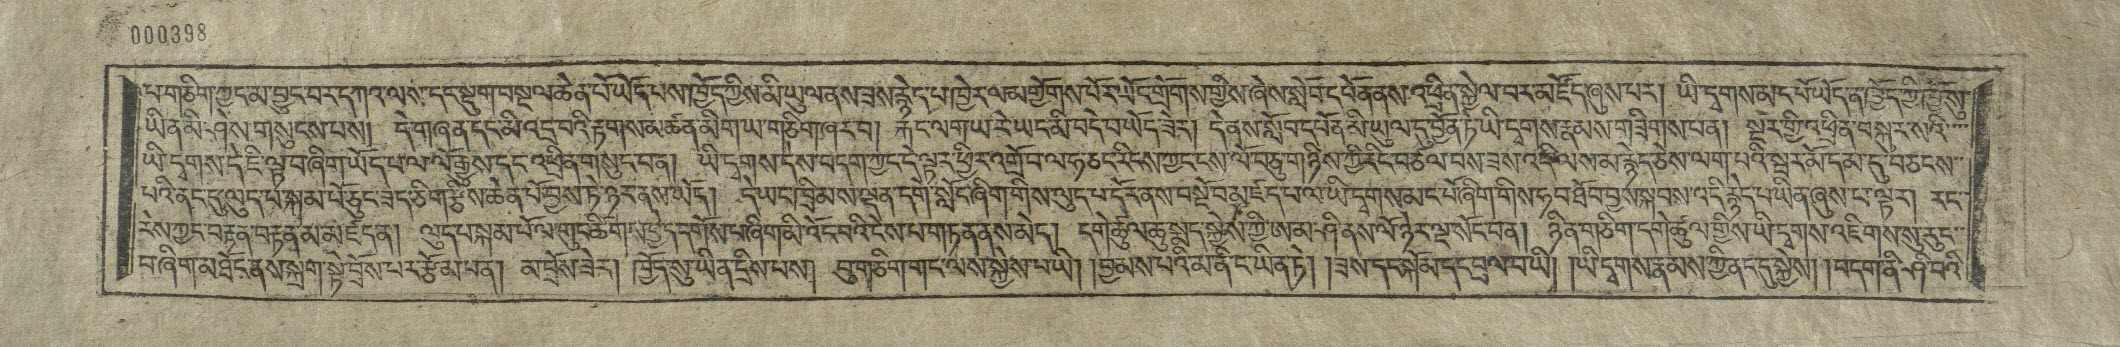པ་གཅིག་ཀྱང་མ་བྱུང་བར་དཀའ་ལས་དང་སྡུག་བསྔལ་ཆེན་པོ་ཡོད་པས་ཁྱོད་ཀྱིས་མི་ཡུལ་ནས་ཟས་རྙེད་པ་ཁྱེར་ལ་མགྱོགས་པར་ཡོང་གྲོགས་གྱིས་ཞེས་སློབ་དཔོན་ནས་འཕྲིན་སྐྱེལ་བར་མཛོད་ཞུས་པར། ཡི་དྭགས་མང་པོ་ཡོད་ན་ཁྱོད་ཀྱི་ཁོ་སུ་
ཡིན་མི་ཤེས་གསུངས་པས། དེ་གཞན་དང་མི་འདྲ་བའི་རྟགས་མཚན་མིག་ཡ་གཅིག་ཞར་བ། རྐང་ལག་ཡ་རེ་ཡང་མི་བདེ་བ་ཡོད་ཟེར། དེ་ནས་སློབ་དཔོན་མི་ཡུལ་དུ་བྱོན་ཏེ་ཡི་དྭགས་རྣམས་གཟིགས་པ་ན། སྔར་གྱི་འཕྲིན་བསྐུར་སའི་
ཡི་དྭགས་དེ་ཇི་ལྟ་བ་ཞིག་ཡོད་པ་ལ་ལོ་རྒྱུས་དང་འཕྲིན་གསུང་བ་ན། ཡི་དྭགས་དེས་བདག་ཀྱང་དེ་ལྟར་ཕྱིར་འགྲོ་བ་ལ་ཧ་ཅང་རིངས་ཀྱང་ངས་ལོ་བཅུ་གཉིས་ཀྱི་རིང་བཙལ་བས་ཟས་འདི་ལས་མ་རྙེད་ཅེས་ལག་པའི་སྦར་མོ་དམ་དུ་བཅངས་
པའི་ནང་དུ་ལུད་པ་སྐམ་པོ་ཅུང་ཟད་ཅིག་རྩིས་ཆེན་པོ་བྱས་ཏེ་ཉར་ནས་ཡོད། དེ་ཡང་ཁྲིམས་ལྡན་དགེ་སློང་ཞིག་གིས་ལུད་པ་དོར་ནས་བསྔོ་བ་མཛད་པ་ལ་ཡི་དྭགས་མང་པོ་ཞིག་གིས་ཧབ་ཐོབ་བྱས་སྐབས་འདི་རྙེད་པ་ཡིན་ཞུས་པ་ལྟར། རང་
རེས་ཀྱང་བརྟན་བརྟན་མ་མཛད་ན། ལུད་པ་སྐམ་པོ་ལ་གུང་ཚིགས་བྱེད་དགོས་པ་ཞིག་མི་འོང་བའི་ངེས་པ་གཏན་ནས་མེད། དགེ་ཚུལ་ཆུ་སྨད་སྐྱེས་ཀྱི་ཨ་མ་ཤི་ནས་ལོ་ཉེར་ལྔ་སོང་བ་ན། ཉིན་གཅིག་དགེ་ཚུལ་གྱིས་ཡི་དྭགས་འཇིགས་སུ་རུང་
བ་ཞིག་མཐོང་ནས་སྐྲག་སྟེ་བྲོས་པར་རྩོམ་པ་ན། མ་བྲོས་ཟེར། ཁྱོད་སུ་ཡིན་དྲིས་པས། བུ་གཅིག་གང་ལས་སྐྱེས་པ་ཡི། །བྱམས་པའི་མ་ནི་ང་ཡིན་ཏེ། །ཟས་དང་སྐོམ་དང་བྲལ་བ་ཡི། །ཡི་དྭགས་རྣམས་ཀྱི་ནང་དུ་སྐྱེས། །བདག་ནི་ཤི་བའི་